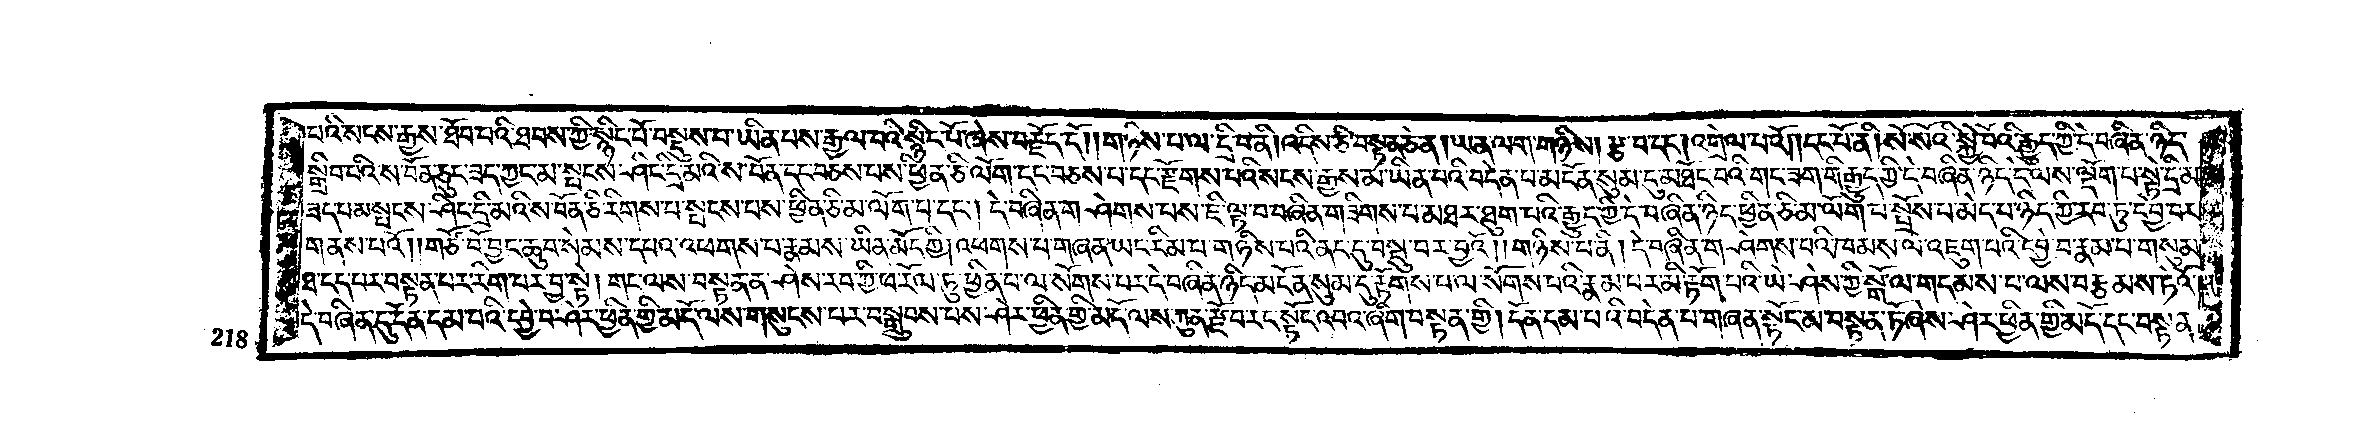པའི་སངས་རྒྱས་ཐོབ་པའི་ཐབས་ཀྱི་སྙིང་པོ་བསྡུས་པ་ཡིན་པས་རྒྱལ་བའི་སྙིང་པོ་ཞེས་བརྗོད་དོ། །གཉིས་པ་ལ་དྲི་བ་ནི། འདིས་ཅི་བསྟན་ཅེ་ན། ཡན་ལག་གཉིས། རྩ་བ་དང་། འགྲེལ་པའོ། །དང་པོ་ནི། སོ་སོའི་སྐྱེ་བོའི་རྒྱུད་ཀྱི་དེ་བཞིན་ཉིད་
སྒྲིབ་པའི་ས་བོན་ཅུང་ཟད་ཀྱང་མ་སྤངས་ཤིང་དྲི་མའི་ས་བོན་དང་བཅས་པས་ཕྱིན་ཅི་ལོག་དང་བཅས་པ་དང་རྫོགས་པའི་སངས་རྒྱས་མ་ཡིན་པའི་བདེན་པ་མངོན་སུམ་དུ་མཐོང་བའི་གང་ཟག་གི་རྒྱུད་ཀྱི་དེ་བཞིན་ཉིད་དེ་ལས་ལྡོག་པ་སྟེ་དྲི་མ་
ཟད་པ་མ་སྤངས་ཤིང་དྲི་མའི་ས་བོན་ཅི་རིགས་པ་སྤངས་པས་ཕྱིན་ཅི་མ་ལོག་པ་དང་། དེ་བཞིན་གཤེགས་པས་ཇི་ལྟ་བ་བཞིན་གཟིགས་པ་མཐར་ཐུག་པའི་རྒྱུད་ཀྱི་དེ་བཞིན་ཉིད་ཕྱིན་ཅི་མ་ལོག་པ་སྤྲོས་པ་མེད་པ་ཉིད་ཀྱི་རབ་ཏུ་དབྱེ་བར་
གནས་པའོ། །གཙོ་བོ་བྱང་ཆུབ་སེམས་དཔའ་འཕགས་པ་རྣམས་ཡིན་མོད་ཀྱི། འཕགས་པ་གཞན་ཡང་རིམ་པ་གཉིས་པའི་ནང་དུ་བསྡུ་བར་བྱའོ། །གཉིས་པ་ནི། དེ་བཞིན་གཤེགས་པའི་ཁམས་ལ་འཇུག་པའི་དབྱེ་བས་རྣམ་པ་གསུམ་
ཐ་དད་པར་བསྟན་པར་རིག་པར་བྱ་སྟེ། གང་ལས་བསྟན་ན་ཤེས་རབ་ཀྱི་ཕ་རོལ་ཏུ་ཕྱིན་པ་ལ་སོགས་པར་དེ་བཞིན་ཉིད་མངོན་སུམ་དུ་རྟོགས་པ་ལ་སོགས་པའི་རྣམ་པར་མི་རྟོག་པའི་ཡེ་ཤེས་ཀྱི་སྒོ་ལ་གདམས་པ་ལས་བརྩམས་ཏེའོ། །
དེ་བཞིན་དུ་དོན་དམ་པའི་དབྱེ་བ་ཤེར་ཕྱིན་གྱི་མདོ་ལས་གསུངས་པར་བསྒྲུབས་པས་ཤེར་ཕྱིན་གྱི་མདོ་ལས་ཀུན་རྫོབ་རང་སྟོང་འབའ་ཞིག་བསྟན་གྱི། དོན་དམ་པའི་བདེན་པ་གཞན་སྟོང་མ་བསྟན་ཏོ་ཞེས་ཤེར་ཕྱིན་གྱི་མདོ་དང་བསྟན་